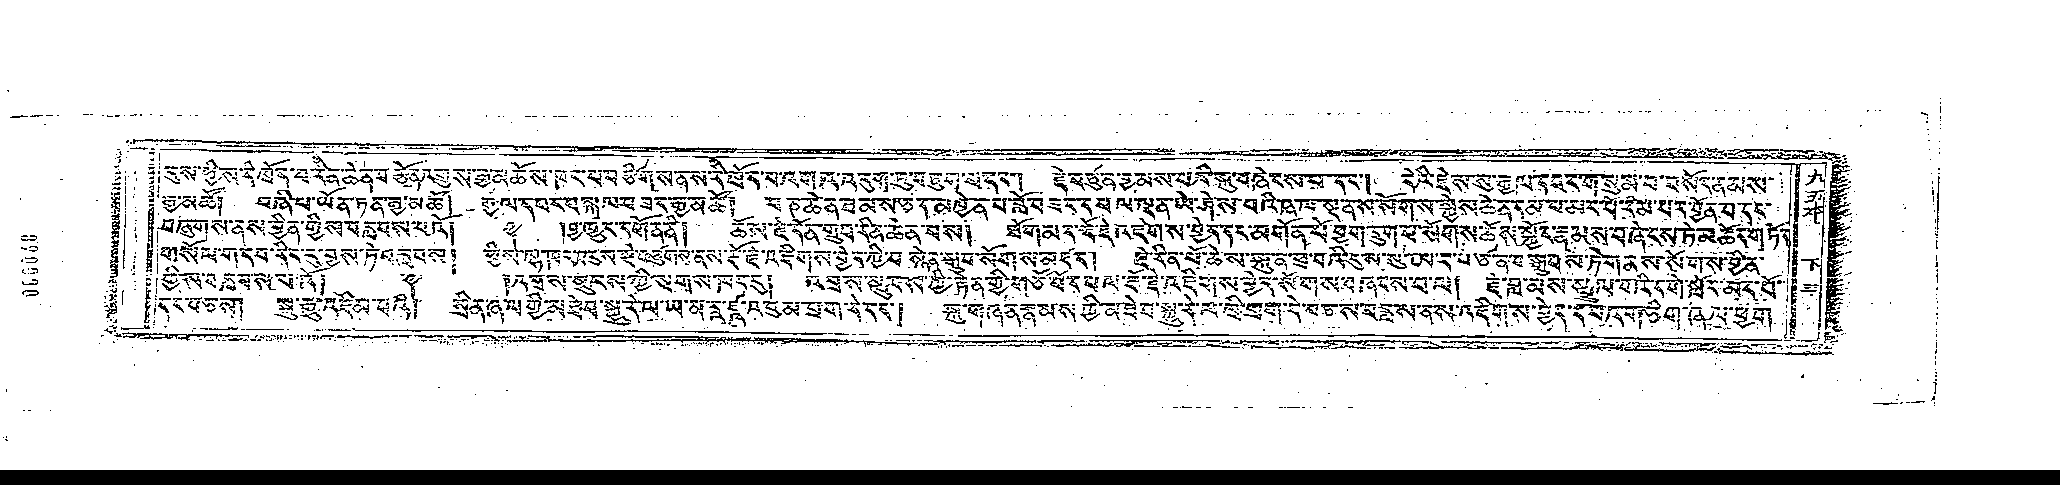དུས་ཕྱིས་རི་ཁྲོད་པ་རིན་ཆེན་བརྩོན་འགྲུས་རྒྱ་མཚོས་ཁང་པ་བརྩིགས་ནས་རི་ཁྲོད་པ་འགའ་འདུག་ཏུ་བཅུག་པ་དང་། རྗེ་བཙུན་བྱམས་པའི་སྐུ་བཞེངས་པ་དང་། དེའི་རྗེས་སུ་རྒྱལ་དབང་གསུམ་པ་བསོད་ནམས་
རྒྱ་མཚོ། བཞི་པ་ཡོན་ཏན་རྒྱ་མཚོ། རྒྱལ་དབང་བསྐལ་བཟང་རྒྱ་མཚོ། པཎ་ཆེན་ཐམས་ཅད་མཁྱེན་པ་བློ་བཟང་དཔལ་ལྡན་ཡེ་ཤེས་པའི་ཞལ་སྔ་ནས་སོགས་སྐྱེས་ཆེན་དམ་པ་མང་པོ་རིམ་པར་བྱོན་བ་དང་
བཞུགས་ནས་བྱིན་གྱིས་བརླབས་པའོ། ༈ །བྱ་ཁྱུང་དགོན་ནི། ཆོས་རྗེ་དོན་གྲུབ་རིན་ཆེན་པས། ཐོག་མར་རྡོ་རྗེ་འཇིགས་བྱེད་དང་མགོན་པོ་ཕྱག་དྲུག་པ་སོགས་ཆོས་སྐྱོང་རྣམས་བཞེངས་ཏེ་མཆོད་གཏོར་
གསོལ་གདབ་རིང་དུ་བྱས་ཏེ་བརླབས། ཕྱིས་ལྷ་ཁང་འདུས་སྡེ་བཙུགས་ནས་རྡོ་རྗེ་འཇིགས་བྱེད་ཀྱི་བསྙེན་སྒྲུབ་སོགས་མཛད། རྗེ་རིན་པོ་ཆེས་སྐུ་ན་ཕྲ་བའི་དུས་སུ་ཨ་ར་པ་ཙ་ན་བསྒྲུབས་ཏེ་གནས་སོགས་བྱིན་
གྱིས་བརླབས་པའོ། ༈ །འབྲས་སྤུངས་ཀྱི་སྔགས་ཁང་དུ། འབྲས་སྤུངས་ཀྱི་རྟེན་གྱི་གཙོ་བོ་དཔལ་རྡོ་རྗེ་འཇིགས་བྱེད་སོགས་བཞེངས་བ་ལ། རྗེ་བླ་མས་སྤྲུལ་པའི་དགེ་སློང་མང་པོ་
དང་བཅས། སྐུ་རྒྱུ་འཇིམ་པའི། སྲིན་ཞལ་གྱི་མཐེབ་སྐྱུ་རེ་ལ་ཡ་མ་རཱ་ཛཱ་འབུམ་ཕྲག་རེ་དང་། སྐུ་གཞན་རྣམས་ཀྱི་མཐེབ་སྐྱུ་རེ་ལ་ཁྲི་ཕྲག་རེ་བཅས་བཟླས་ནས་འཇིགས་བྱེད་དཔའ་གཅིག་ཞལ་ཕྱག་